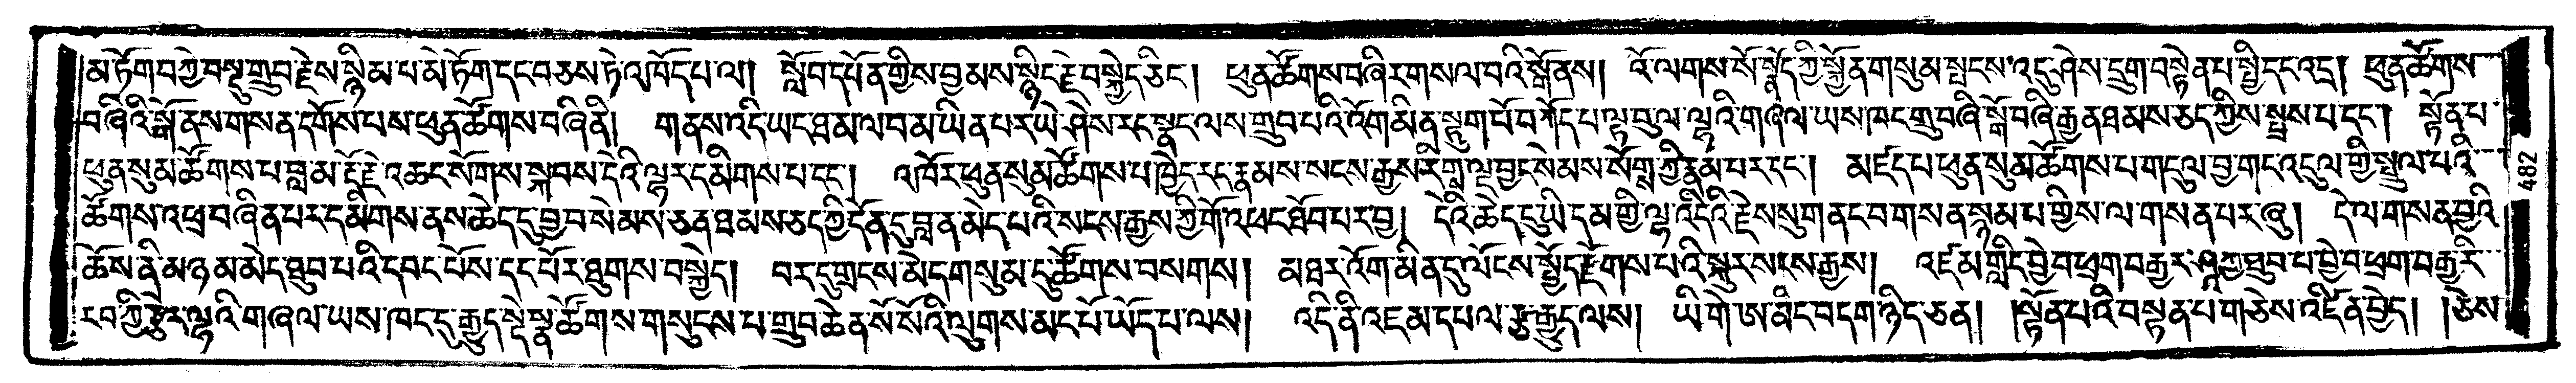མ་ཏོག་བཀྱེ་བསྡུ་གྲུབ་རྗེས་སྙིམ་པ་མེ་ཏོག་དང་བཅས་ཏེ་འཁོད་པ་ལ། སློབ་དཔོན་གྱིས་བྱམས་སྙིང་རྗེ་བསྐྱེད་ཅིང་། ཕུན་ཚོགས་བཞིར་གསལ་བའི་སྒོ་ནས། འོ་ལགས་སོ་སྣོད་ཀྱི་སྐྱོན་གསུམ་སྤངས་འདུ་ཤེས་དྲུག་བསྟེན་པ་སྤྱི་དང་འདྲ། ཕུན་ཚོགས་
བཞིའི་སྒོ་ནས་གསན་དགོས་པས་ཕུན་ཚོགས་བཞི་ནི། གནས་འདི་ཡང་ཐ་མལ་བ་མ་ཡིན་པར་ཡེ་ཤེས་རང་སྣང་ལས་གྲུབ་པའི་འོག་མིན་སྟུག་པོ་བཀོད་པ་ལྟ་བུ་ལ་ལྷའི་གཞལ་ཡས་ཁང་གྲུ་བཞི་སྒོ་བཞི་རྒྱན་ཐམས་ཅད་ཀྱིས་སྤྲས་པ་དང་། སྟོན་པ་
ཕུན་སུམ་ཚོགས་པ་བླ་མ་རྡོ་རྗེ་འཆང་སོགས་སྐྱབས་དེའི་ལྷར་དམིགས་པ་དང་། འཁོར་ཕུན་སུམ་ཚོགས་པ་ཁྱེད་རང་རྣམས་སངས་རྒྱས་རིགས་ལྔ་བྱང་སེམས་སོགས་ཀྱི་རྣམ་པར་དང་། མཛད་པ་ཕུན་སུམ་ཚོགས་པ་གདུལ་བྱ་གང་འདུལ་གྱི་སྤྲུལ་པའི་
ཚོགས་འཕྲ་བཞིན་པར་དམིགས་ནས་ཆེད་དུ་བྱ་བ་སེམས་ཅན་ཐམས་ཅད་ཀྱི་དོན་དུ་བླ་ན་མེད་པའི་སངས་རྒྱས་ཀྱི་གོ་འཕང་ཐོབ་པར་བྱ། དེའི་ཆེད་དུ་ཡི་དམ་གྱི་ལྷ་འདིའི་རྗེས་སུ་གནང་བ་གསན་སྙམ་པ་གྱིས་ལ་གསན་པར་ཞུ། དེ་ལ་གསན་བྱའི་
ཆོས་ནི་མཉམ་མེད་ཐུབ་པའི་དབང་པོས་དང་པོར་ཐུགས་བསྐྱེད། བར་དུ་གྲངས་མེད་གསུམ་དུ་ཚོགས་བསགས། མཐར་འོག་མིན་དུ་ལོངས་སྤྱོད་རྫོགས་པའི་སྐུར་སངས་རྒྱས། འཛམ་གླིང་བྱེ་བ་ཕྲག་བརྒྱར་ཤཱཀྱ་ཐུབ་པ་བྱེ་བ་ཕྲག་བརྒྱ་རི་
རབ་ཀྱི་རྩེར་ལྷའི་གཞལ་ཡས་ཁང་དུ་རྒྱུད་སྡེ་སྣ་ཚོགས་གསུངས་པ་གྲུབ་ཆེན་སོ་སོའི་ལུགས་མང་པོ་ཡོད་པ་ལས། འདི་ནི་འཇམ་དཔལ་རྩ་རྒྱུད་ལས། ཡི་གེ་ཨ་མིང་བདག་ཉིད་ཅན། །སྟོན་པའི་བསྟན་པ་གཅེས་འཛིན་བྱེད། །ཅེས་